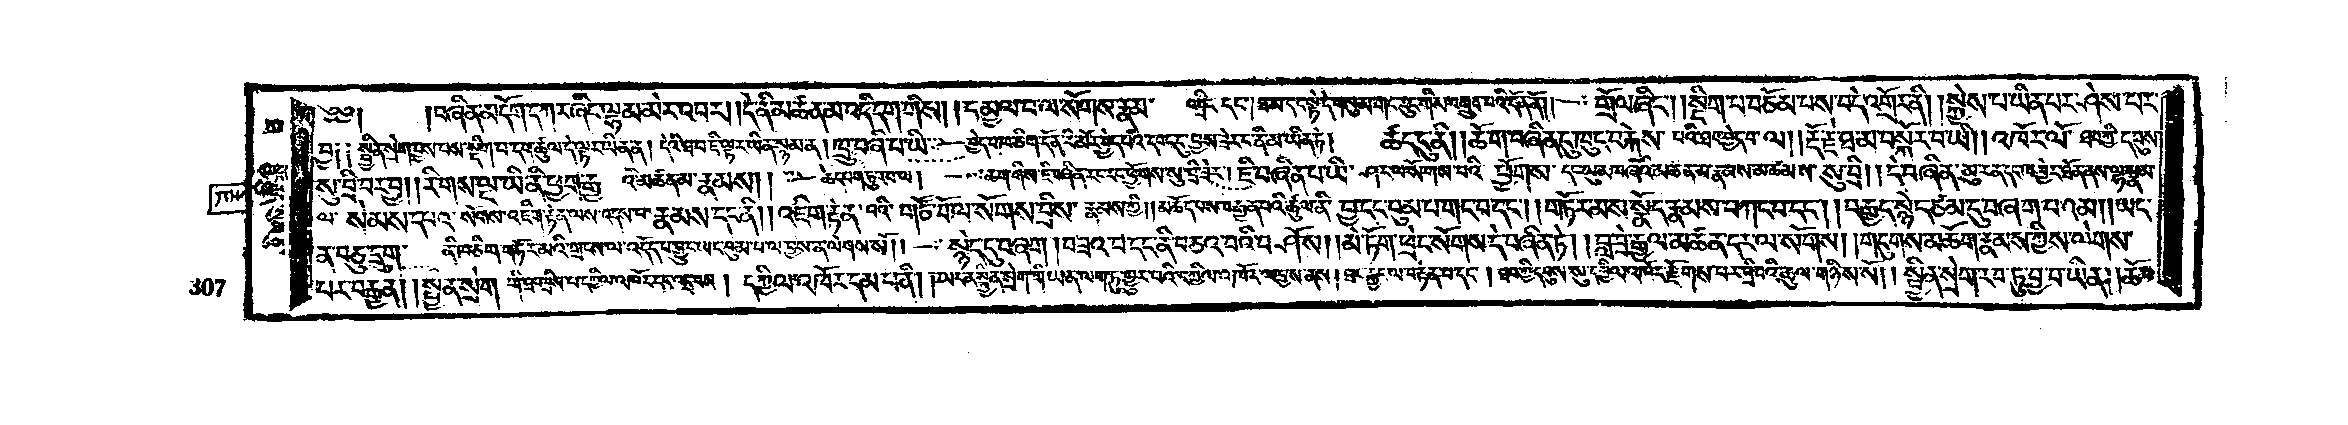༄༅། །བཞིན་མདོག་དཀར་ཞིང་ལྷམ་མེར་འབར། །དེ་ནི་མཚན་མ་འདི་དག་གིས། །དམྱལ་བ་ལ་སོགས་རྣམ་འབྲིང་དང་། ཐ་མ་དང་སྟེ་དེ་གསུམ་གང་རུང་གིས་འགྲུབ་པའི་དོན་ནོ།  .H །གྲོལ་ཞིང་། །སྡིག་པ་བཅོམ་པས་བདེ་འགྲོར་ནི། །སྐྱེས་པ་ཡིན་པར་ཤེས་པར་
བྱ། ། སྦྱིན་སྲེག་བྱས་པས་སྡིག་པ་དག་ཚུལ་དེ་ལྟར་ཡིན་ན། དེའི་ཐབ་ཇི་ལྟར་ཡིན་སྙམ་ན།  ཁྲུ་བཞི་པ་ཡི་H.་བྱེད་པ་ཁ་ཅིག་དོན་རི་མོར་བྱེད་པའི་དབང་དུ་བྱས་ཟེར་བ་ནི་མ་ཡིན་ཏེ།  ཚད་དུ་ནི། །ཆོ་ག་བཞིན་དུ་ཁུང་བརྐེས་པའི་ཐབ་བྱེད་པ་ལ། །རྡོ་རྗེ་ཐ་མ་བསྐོར་བ་ཡི། །འཁོར་ལོ་ཐབ་ཀྱི་དབུས་
སུ་བྲི་བར་བྱ། །རིགས་ལྔ་ཡི་ནི་ཕྱག་རྒྱའི་མཚན་མ་རྣམས། ། H.་ཚེད་ཕག་ཏུ་རབ་ལ། .H ཆོག་གིས་ཇི་བཞིན་རང་རང་ཕྱོགས་སུ་བྲི་ཟེར།  ཇི་བཞིན་པ་ཡི་ཤར་ལ་སོགས་པའི་ཕྱོགས་དང་ཡུམ་བཞིའི་མཚན་མ་རྣམས་མཚམས་སུ་བྲི། །དེ་བཞིན་མུ་རན་དང་ཁ་ཁྱེར་ཐོན་ནས་ལྷ་སྣམ་
ལ་སེམས་དཔའ་སོགས་འཇིག་རྟེན་ལས་འདས་པ་རྣམས་དང་ནི། །འཇིག་རྟེན་པའི་གཙོ་བོ་ལ་སོགས་བྲིས་རྣམས་ཀྱི། །མཆོད་པས་བརྒྱན་པའི་ཚུལ་ནི་བྱ་དང་བུམ་པ་གང་བ་དང་། །གཏོར་མས་སྣོད་རྣམས་བསྐང་བ་དང་། །བརྒྱད་སྙེད་ཙམ་དུ་བཞག་པའམ། །ཡང་
ན་བཅུ་དྲུག་ནི་ཁ་ཅིག་གཏོར་མའི་གྲངས་ལ་འདོད་པ་བྱུང་ཡང་བུམ་པ་ལ་བྱས་ན་ལེགས་སོ། །  .Hསྙེད་དུ་བཞག །བཟའ་བ་དང་ནི་བཅའ་བའི་བཤོས། །མེ་ཏོག་ཕྲེང་སོགས་དེ་བཞིན་ཏེ། །བླ་བྲེ་རྒྱལ་མཚན་དར་ལ་སོགས། །གདུགས་མཆོག་རྣམས་ཀྱིས་ལེགས་
པར་བརྒྱན། །སྦྱིན་སྲེག་གི་ཐབ་བྲིས་པ་དཀྱིལ་འཁོར་དང་འདྲ་བས།  དཀྱིལ་འཁོར་དམ་པ་ནི། ། ཡང་ན་སྦྱིན་སྲེག་གི་ཡན་ལག་ཏུ་གྱུར་པའི་དཀྱིལ་འཁོར་ལ་བྱས་ནས། ཐབ་རྒྱང་ལ་བརྟེན་པ་དང་། ཐབ་ཀྱི་དབུས་སུ་དཀྱིལ་འཁོར་རྫོགས་པར་བྲི་བའི་ཚུལ་གཉིས་སོ། །  སྦྱིན་སྲེག་རབ་ཏུ་བྱ་བ་ཡིན། །ཆོ་